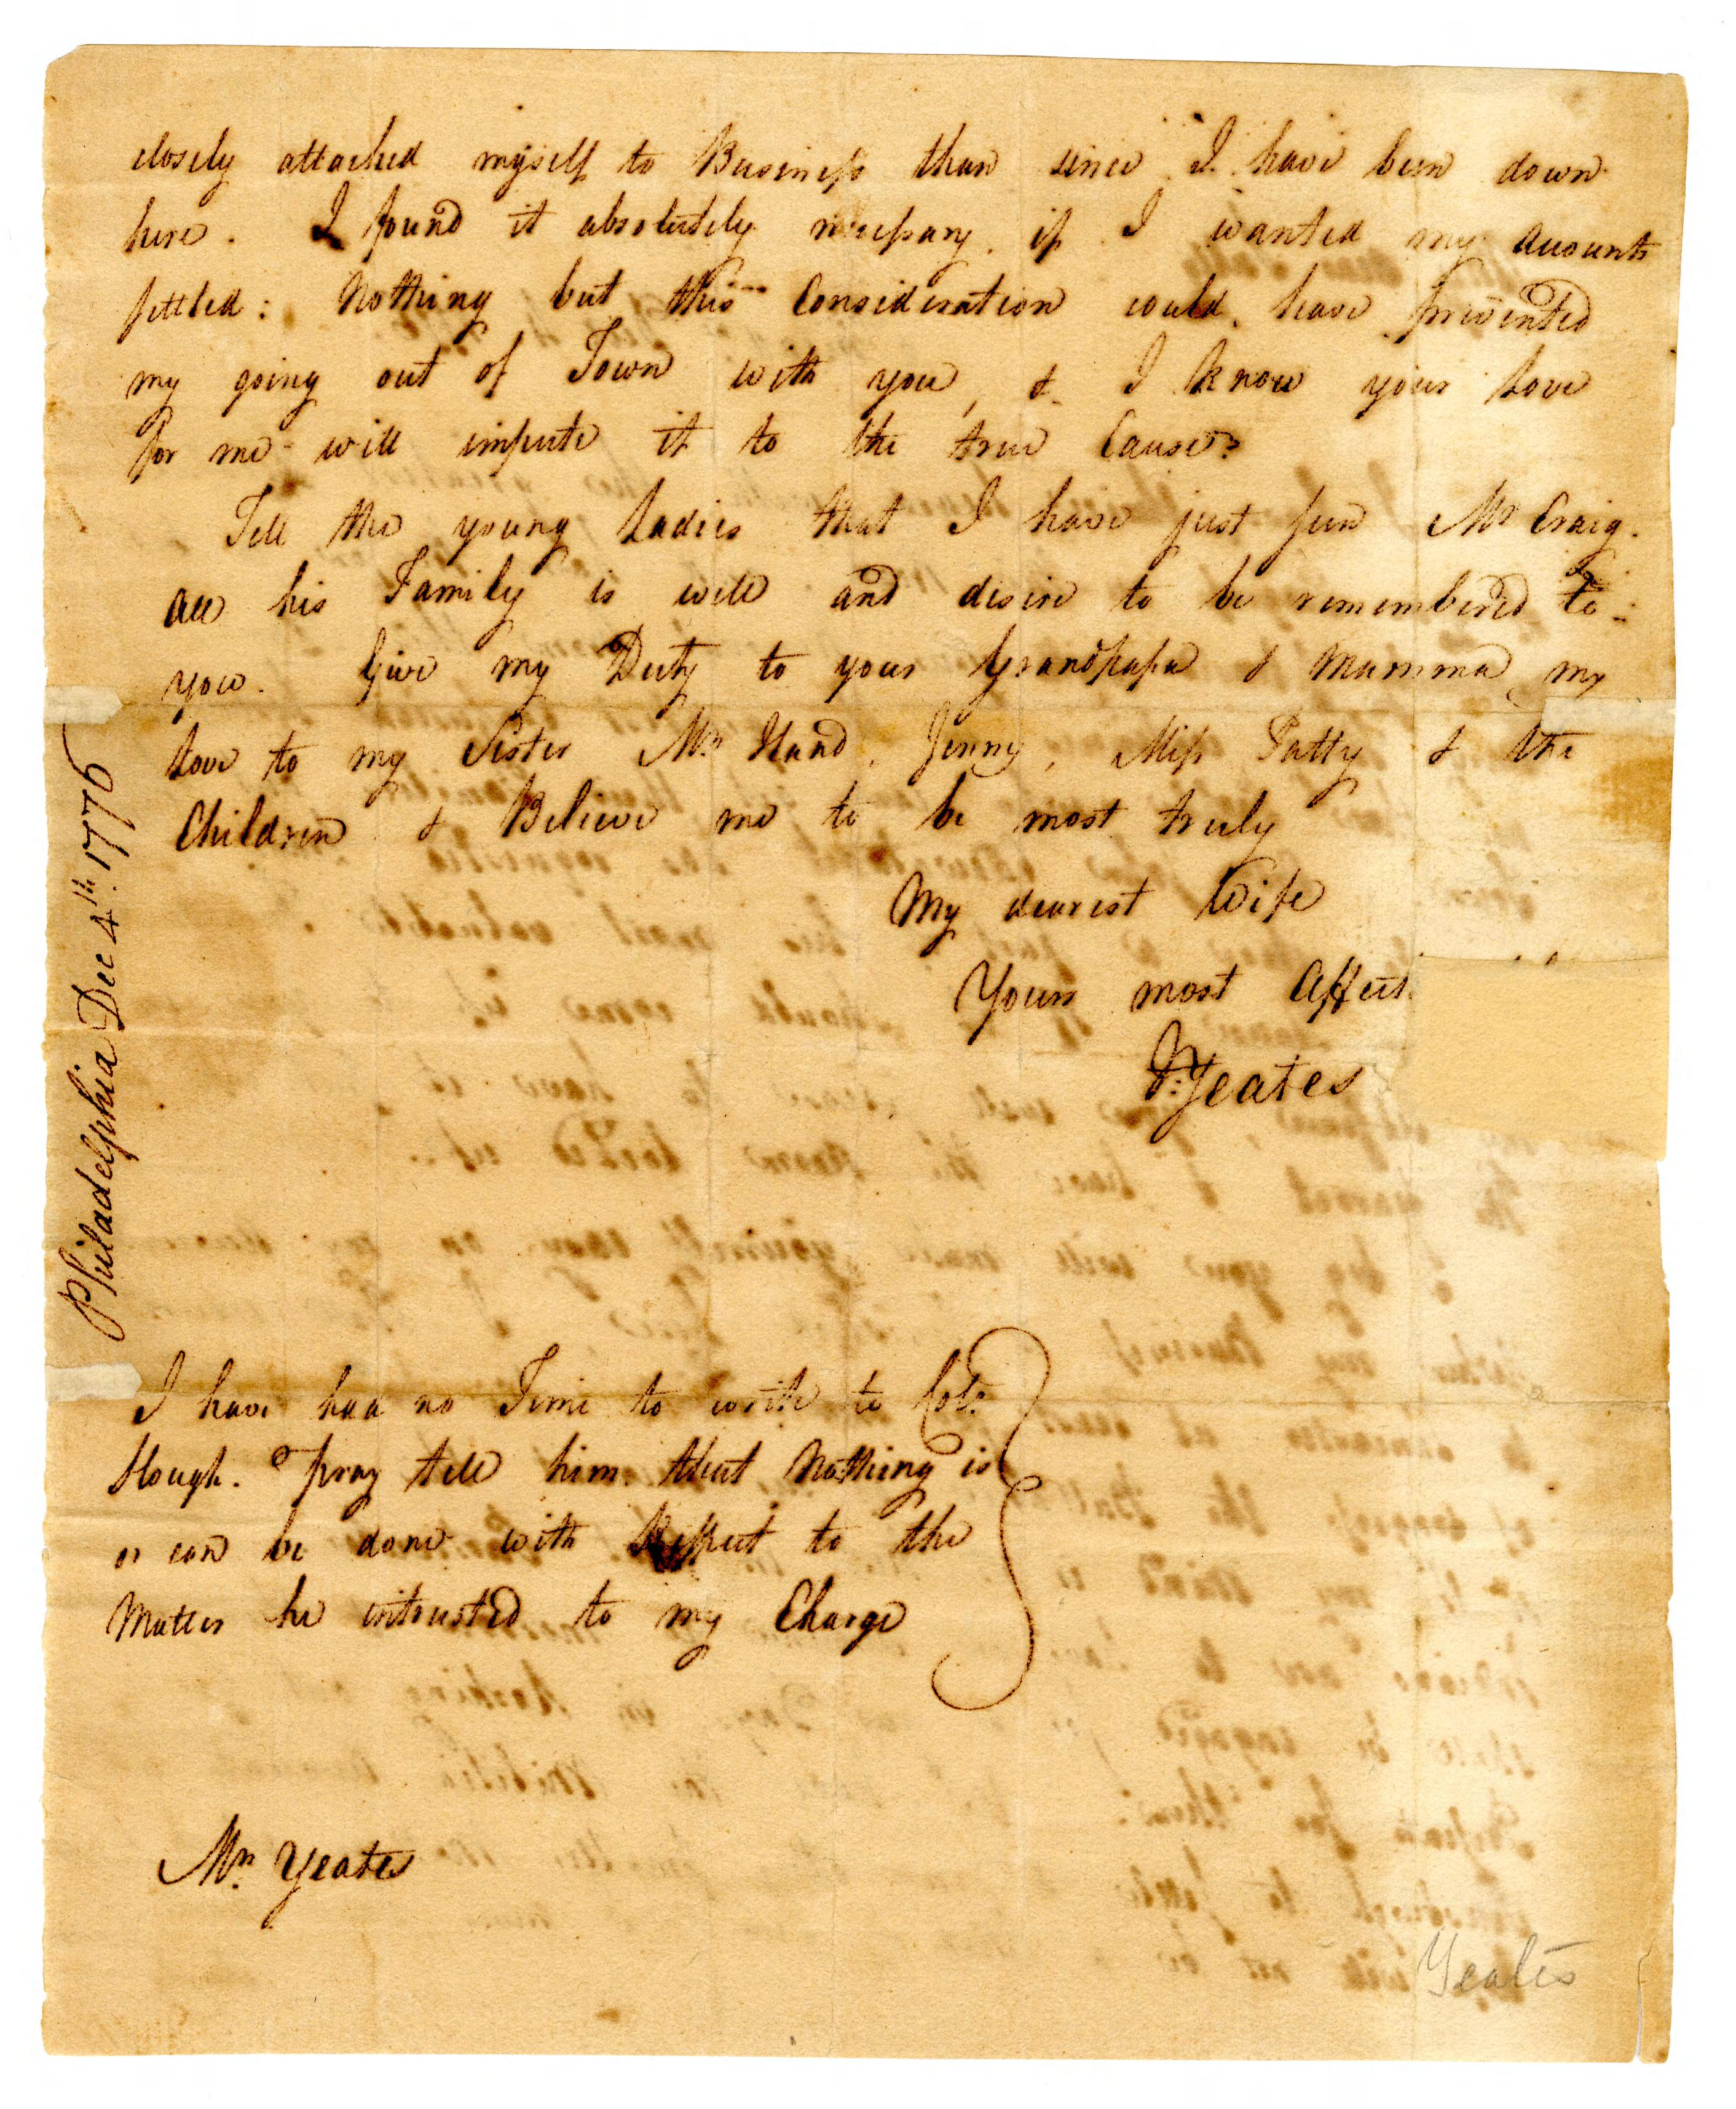closely attached myself to Business than since I have been down
here. I found it absolutely necessary if I wanted my accounts
settled: Nothing but this Consideration could have prevented
my going out of Town with you, & I know your Love
for me will impute it to the true Cause.
Tell the young Ladies that I have just seen M^r Craig.
All his Family is well and desire to be remembered to
you. Give my Duty to your Grandpapa & Mamma my
love to my Sister M^r. Hand, Jenny, Miss Patty & the
Children & Believe me to be most truly
My dearest Wife
Yours most Affect
J. Yeates
Philadelphia Dec 4^th. 1776
I have had no Time to write to Col:
Hough. Pray tell him that nothing is
as can be done with Respect to the
Matter he intrusted to my Charge
M^r. Yeates